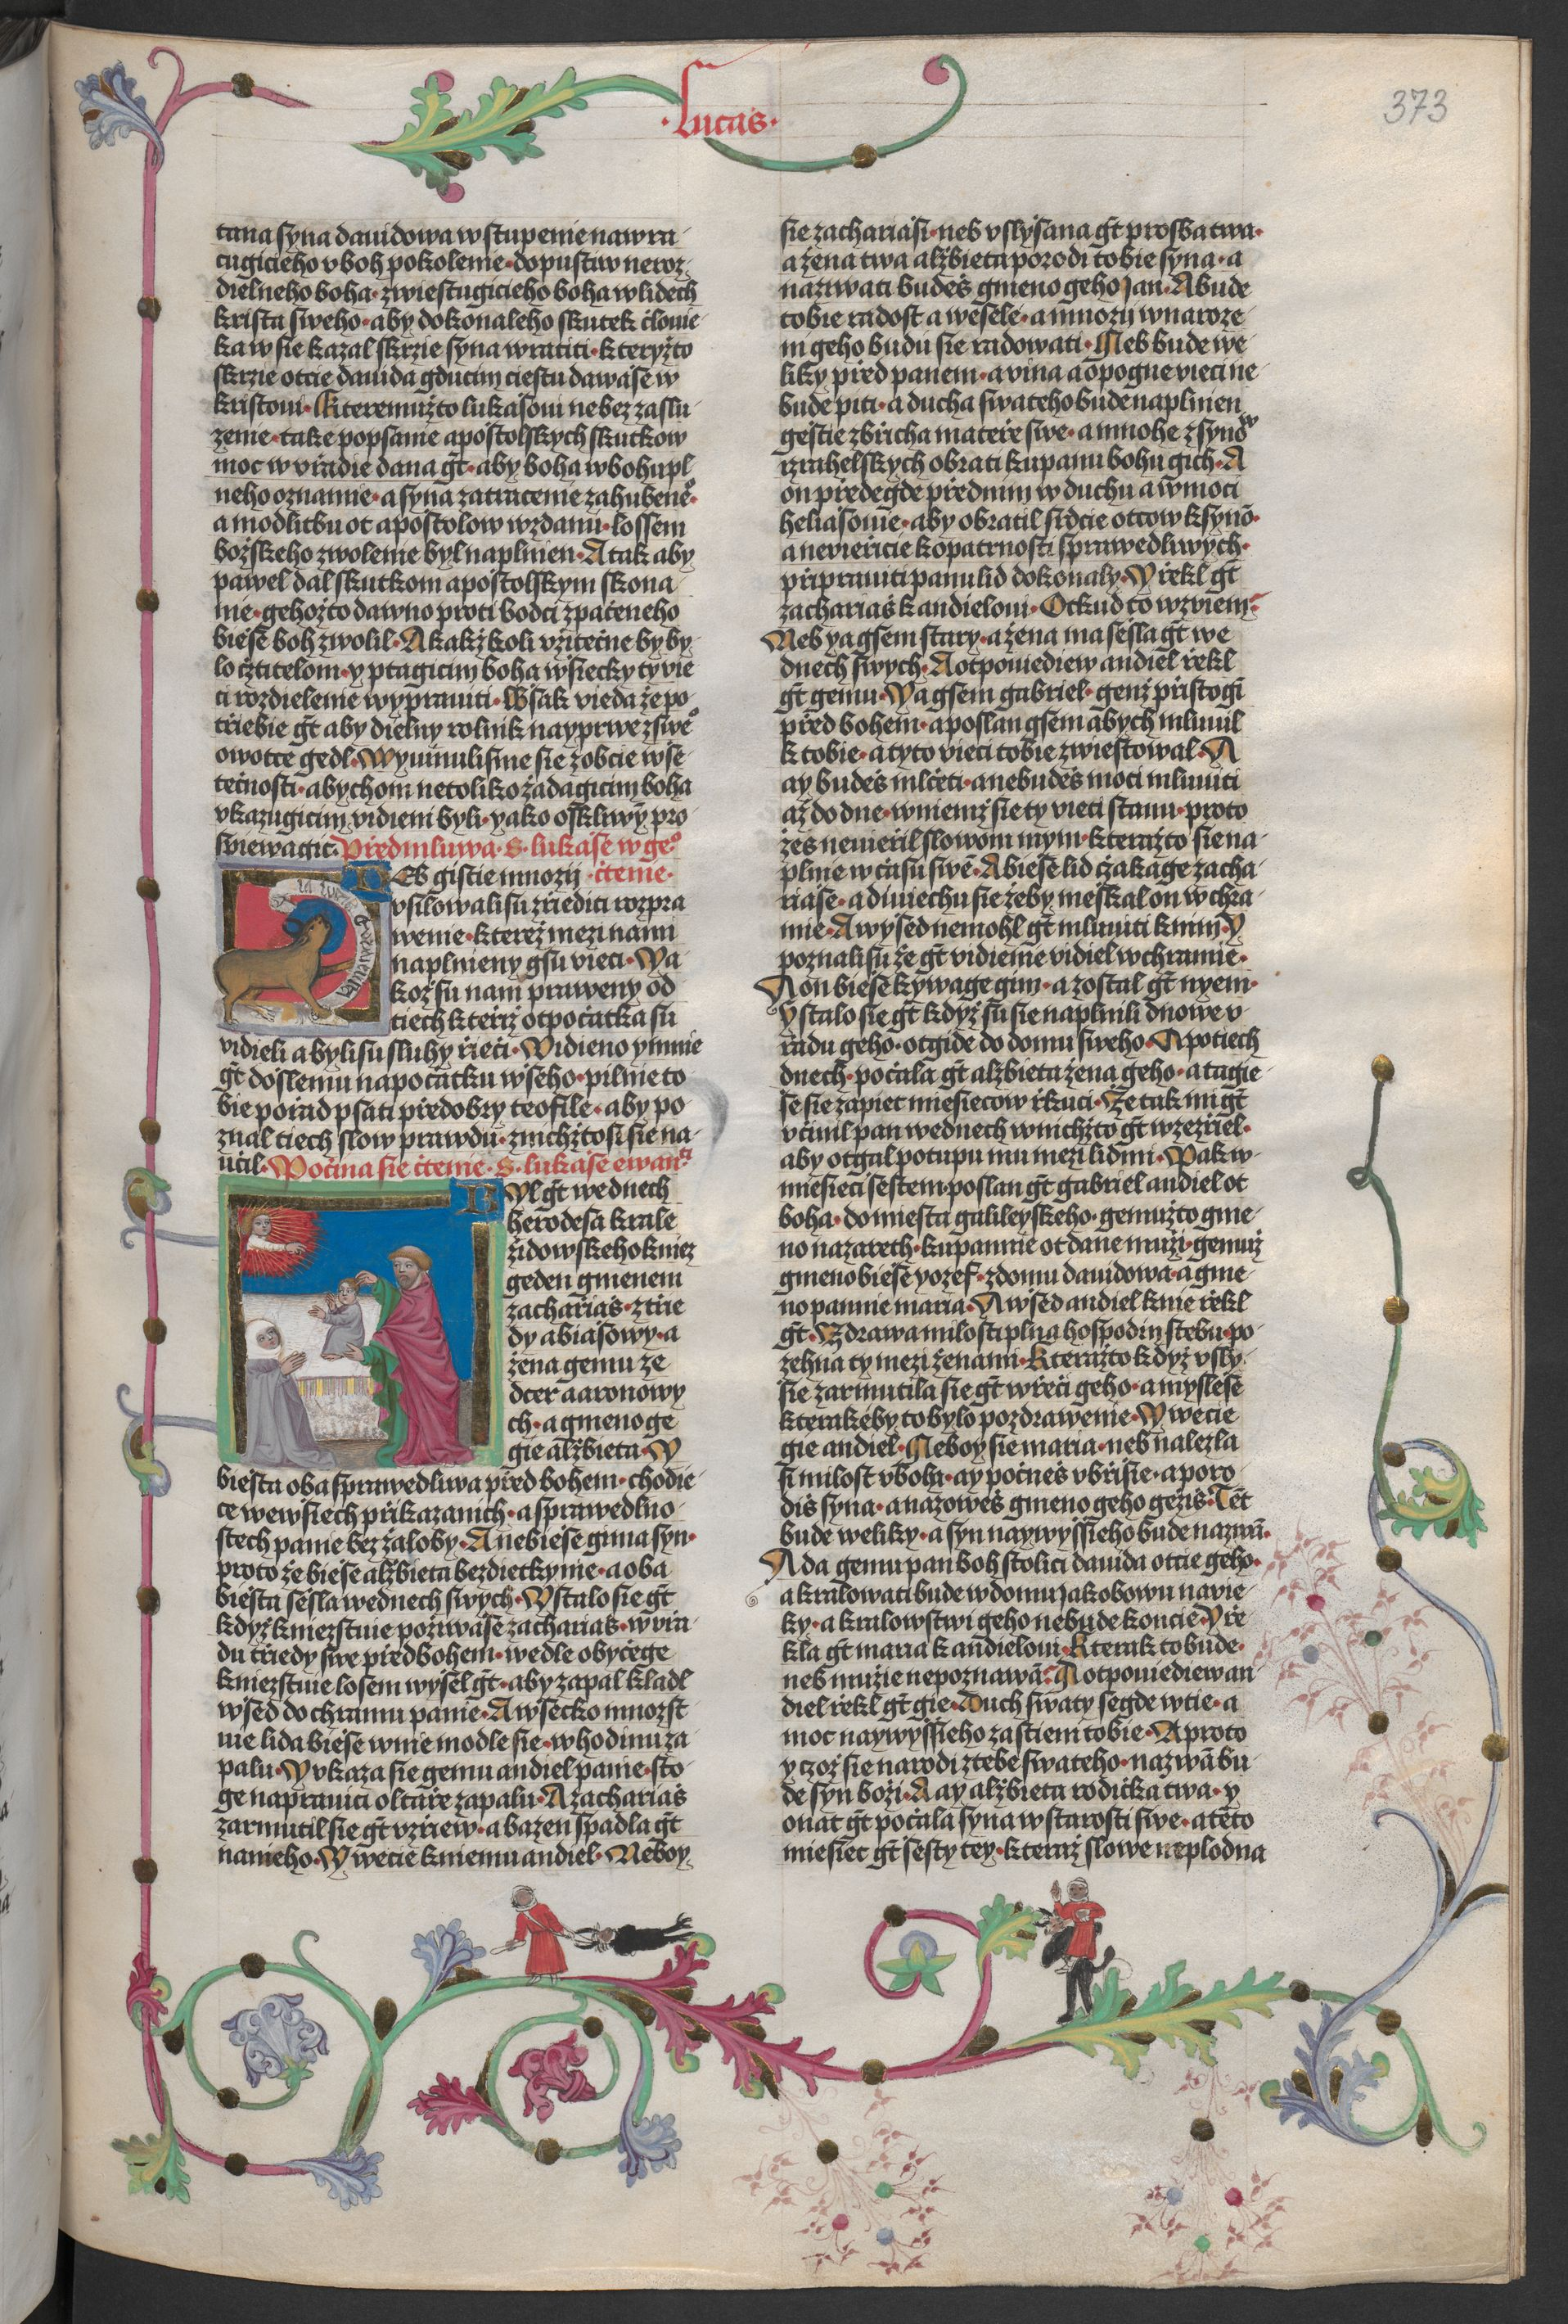Lucas
tana ſyna dauidowa wſtupené nawra¬
cugícieho v boh pokolenie.dopuſtiw neroz¬
dielneho boha.zwieſtugicíeho boha wlidech
kriſta ſweho.aby dokonaleho ſkutek ċlouie-
ka w ſie kazal ſkrzie ſyna wratiti.kteryžto
ſkrzie otcie dauida gducim cieſtu dawaẛe w
kriſtoui.Kteremužto lukaẛoui nebez zaſlu¬
zenie.také popſtanie apoẛtolſkych ſkutkow
moc w vṙadie dana ḡt.aby boha wbohupl¬
neho oznamie.a ſyna zatracenie zahubeneo.
a modlitbu ot apoẛtolow wzdanu.loſſem
bożſkeho zwoleníe byl naplnien.A tak aby
pawel dal ſkutkom apoẛtolſkym ſkona¬
nie.gehożto dawno proti bodci zpaċeneho
bíeẛe bóh zwolil.A kakž koli vziteċne by by¬
lo cżtitelom.y ptagicim boha wẛiecky ty víe¬
ci rozdielenie wyprauiti.Wẛak vieda že po¬
tṙiebie ḡt aby dielny rolník nayprwé zſweo
owotce gedl.Wyumuliſme ſie zobcie wẛe¬
teċnoſti.abychom netoliko zadagicím boha
vkazugicím vidieni bylu.yako oſkliwȳ pro¬
ſpiewagíc.Pṙedmluwa.S.lukaẛe w geo
Eb giſtie mnozý.ċteníe.
vſllowaliſu zṙiediti rozpra¬
wenie.ktereż mezi nami
naplnieny gſu vieci.Ya-
koż ſu nam praweny od
tiech kteṙiż otpoċatka ſu
vidieli a byliſu ſluhy ṙíeċi.Vidieno ymmnie
ḡt doẛlému napoċatku wẛeho.pilnie to¬
bie poṙad pſati pṙedobry teofile.aby po¬
znal tiech ſlow prawdu.znichżtoſi ſie na¬
S.lukaẛe ewam.ti.
uċil.Poċina ſie ċtenie¬
Yl ḡt we dnech
herodeſa krale
zidowſkehokniez
geden gmenem
zachariaṡ.ztṙie¬
dy abiaẛowy.a
żena gemu że¬
dcer aaronowy¬
ch.a gmeno ge
gíe alżbeeta Y
bíeẛta oba ſprawedliwa pṙed bohem.chodíe-
ce wewẛíech pṙikazanich.a ſprawedlno¬
ſtech panie bez żaloby.A nebieẛe gima ſyn.
proto że bíeẛe alżbieta bezdietkynie.a oba¬
bíeẛti ſeẛla wednech ſwých.Yſtaloſie ḡt
kdýž kniezſtuie pożiwaẛe zachariaṡ.w vṙa¬
du tṙiedy ſwe pṙedbohem.wedle obyċege
kníezſtuie loſem wyẛel ḡt.aby zapal kladl
wẛed do chramu panie.A wẛecko mnozſt¬
uie lida bíeẛe wnie modle ſie.whodinu za¬
palu.Yvkaza ſie gemu andiel panie.ſto¬
ge napraúící oltaṙe aapalu.A zachariaṡ
zarnutil ſie ḡt vzṙiew.a bazen ſpadla ḡt
nanieho.Y wecie kniemu andiel.Neboy
ſie zachariaẛi.neb vſlyẛana ḡt proſba twa.
a żena twa alżbieta porodi tobie ſyna.a
nazwati budeṡ gmeno geho Ian.A bude
tobie radoſt a weſele.a mnozij wnaroze¬
ní geho budu ſie radowati.Neb bude we¬
liky pṙed panem.a vina a opogne vieci ne¬
bude píti.a ducha ſwateho bude naplnien
geẛtie zbṙicha mateṙe ſwe.a mnohé z ſynow
izrahelſkych obrati kupanu bohu gich.A
on pṙedegde pṙednim wduchu a wmoci
heliaẛouie.aby obratil ſrdcie otcow kſynō
a nevieṙicíe kopatrnoſti ſprawedliwych.
pṙipruiti panu lid dokonaly.Y ṙekl ḡt
zachariaṡ k andieloui.Otkud to wzviem?
Neb ya gſem ſtary.a žena ma ſeẛla ḡt we
dnech ſwych.A otpouiediew andiel ṙekl
ḡt gemu.Ya gſem gabriel.genż pṙiſtogī
pṙed bohení.a poſlan gſem abych mluuil
ktobie.a tyto vieci tobie zwieſtowal.A
ay budeṡ mlċeti.anebudeṡ moci mluuiti
až do dne.wniemż ſie ty vieci ſtanu.proto
żes neuieṙil ſlowom mym.kteraż to ſie na-
plnie w ċaſu ſwē.A bíeẛe lid cżakage zacha¬
riaẛe.a diuiechu ſie żeby meẛkal on wchra¬
mie.A wyẛed nemohl ḡt mluuiti knim.Y
poznaliſu że ḡt vidieníe vidiel wchrame.
A on bíeẛe kywage gim.a zoſtal ḡt nyem.
Yſtalo ſie ḡt když ſu ſie naplnili dnowe v¬
radu geho.otgíde do domu ſweho.A potiech
dnech.poċala ḡt alzbieta żena geho.atagie¬
ſe ſie zapiet mieſecow ṙkuci.Że tak mi ḡt
vċinil pan wednech wnichżto ḡt wzezṙiel.
aby otgal potupu mu mezi lidmi.Pak w¬
míeſieci ſeſtem.poſlen ḡt gabriel andiel ot
boha.domieſta galileyſkého.gemużto gme¬
no nazareth.kupannie otdane mużi.gemuż
gmeno bíeẛe yozef.zdomu dauidowa.a gme¬
no pannie maria.A wẛed andiel kníe ṙekl
ḡt.Zdrawa miloſti plna hoſpodin ſtebu.po¬
zehna ty mezi żenami.Kterażto kdyż vſly¬
ẛie zarmutila ſie ḡt wṙeċi geho.a myſleẛe
kterakéby to bylo pozdrawenie.Y wecie
gíe andiel.Neboy ſie maria.neb nalezla
ſi miloſt vboha.ay poċneš vbṙiẛie.a poro¬
diš ſyna.a nazoweš gmeno geho geżiṡ.Tēt
bude weliky.a ſyn naywyẛẛieho bude nazwā.
A da gemu pan boh ſtolici dauida otcie geho.
a kralowati bude wdomu Iakobowu navie¬
ky.a kralowſtwí geho nebude koncie. Y ṙe¬
kla ḡt maria andieloui.Kterak to bude.
neb mužie nepoznawá?A otpouiediew an¬
diel ṙekl ḡt gíe.Duch ſwaty ſegde wtie.a
moc naywyẛẛíeho zaſtieni tobie.A proto
y czoż ſie narodi ztebe ſwateho.nazwā bu¬
de ſyn boži.A ay alžbieta rodiċka twa.y
onat ḡt poċala ſyna wſtaroſti ſwe.atēto
mieſiec ḡt ẛeſty tey.kteráž ſlowe neplodna